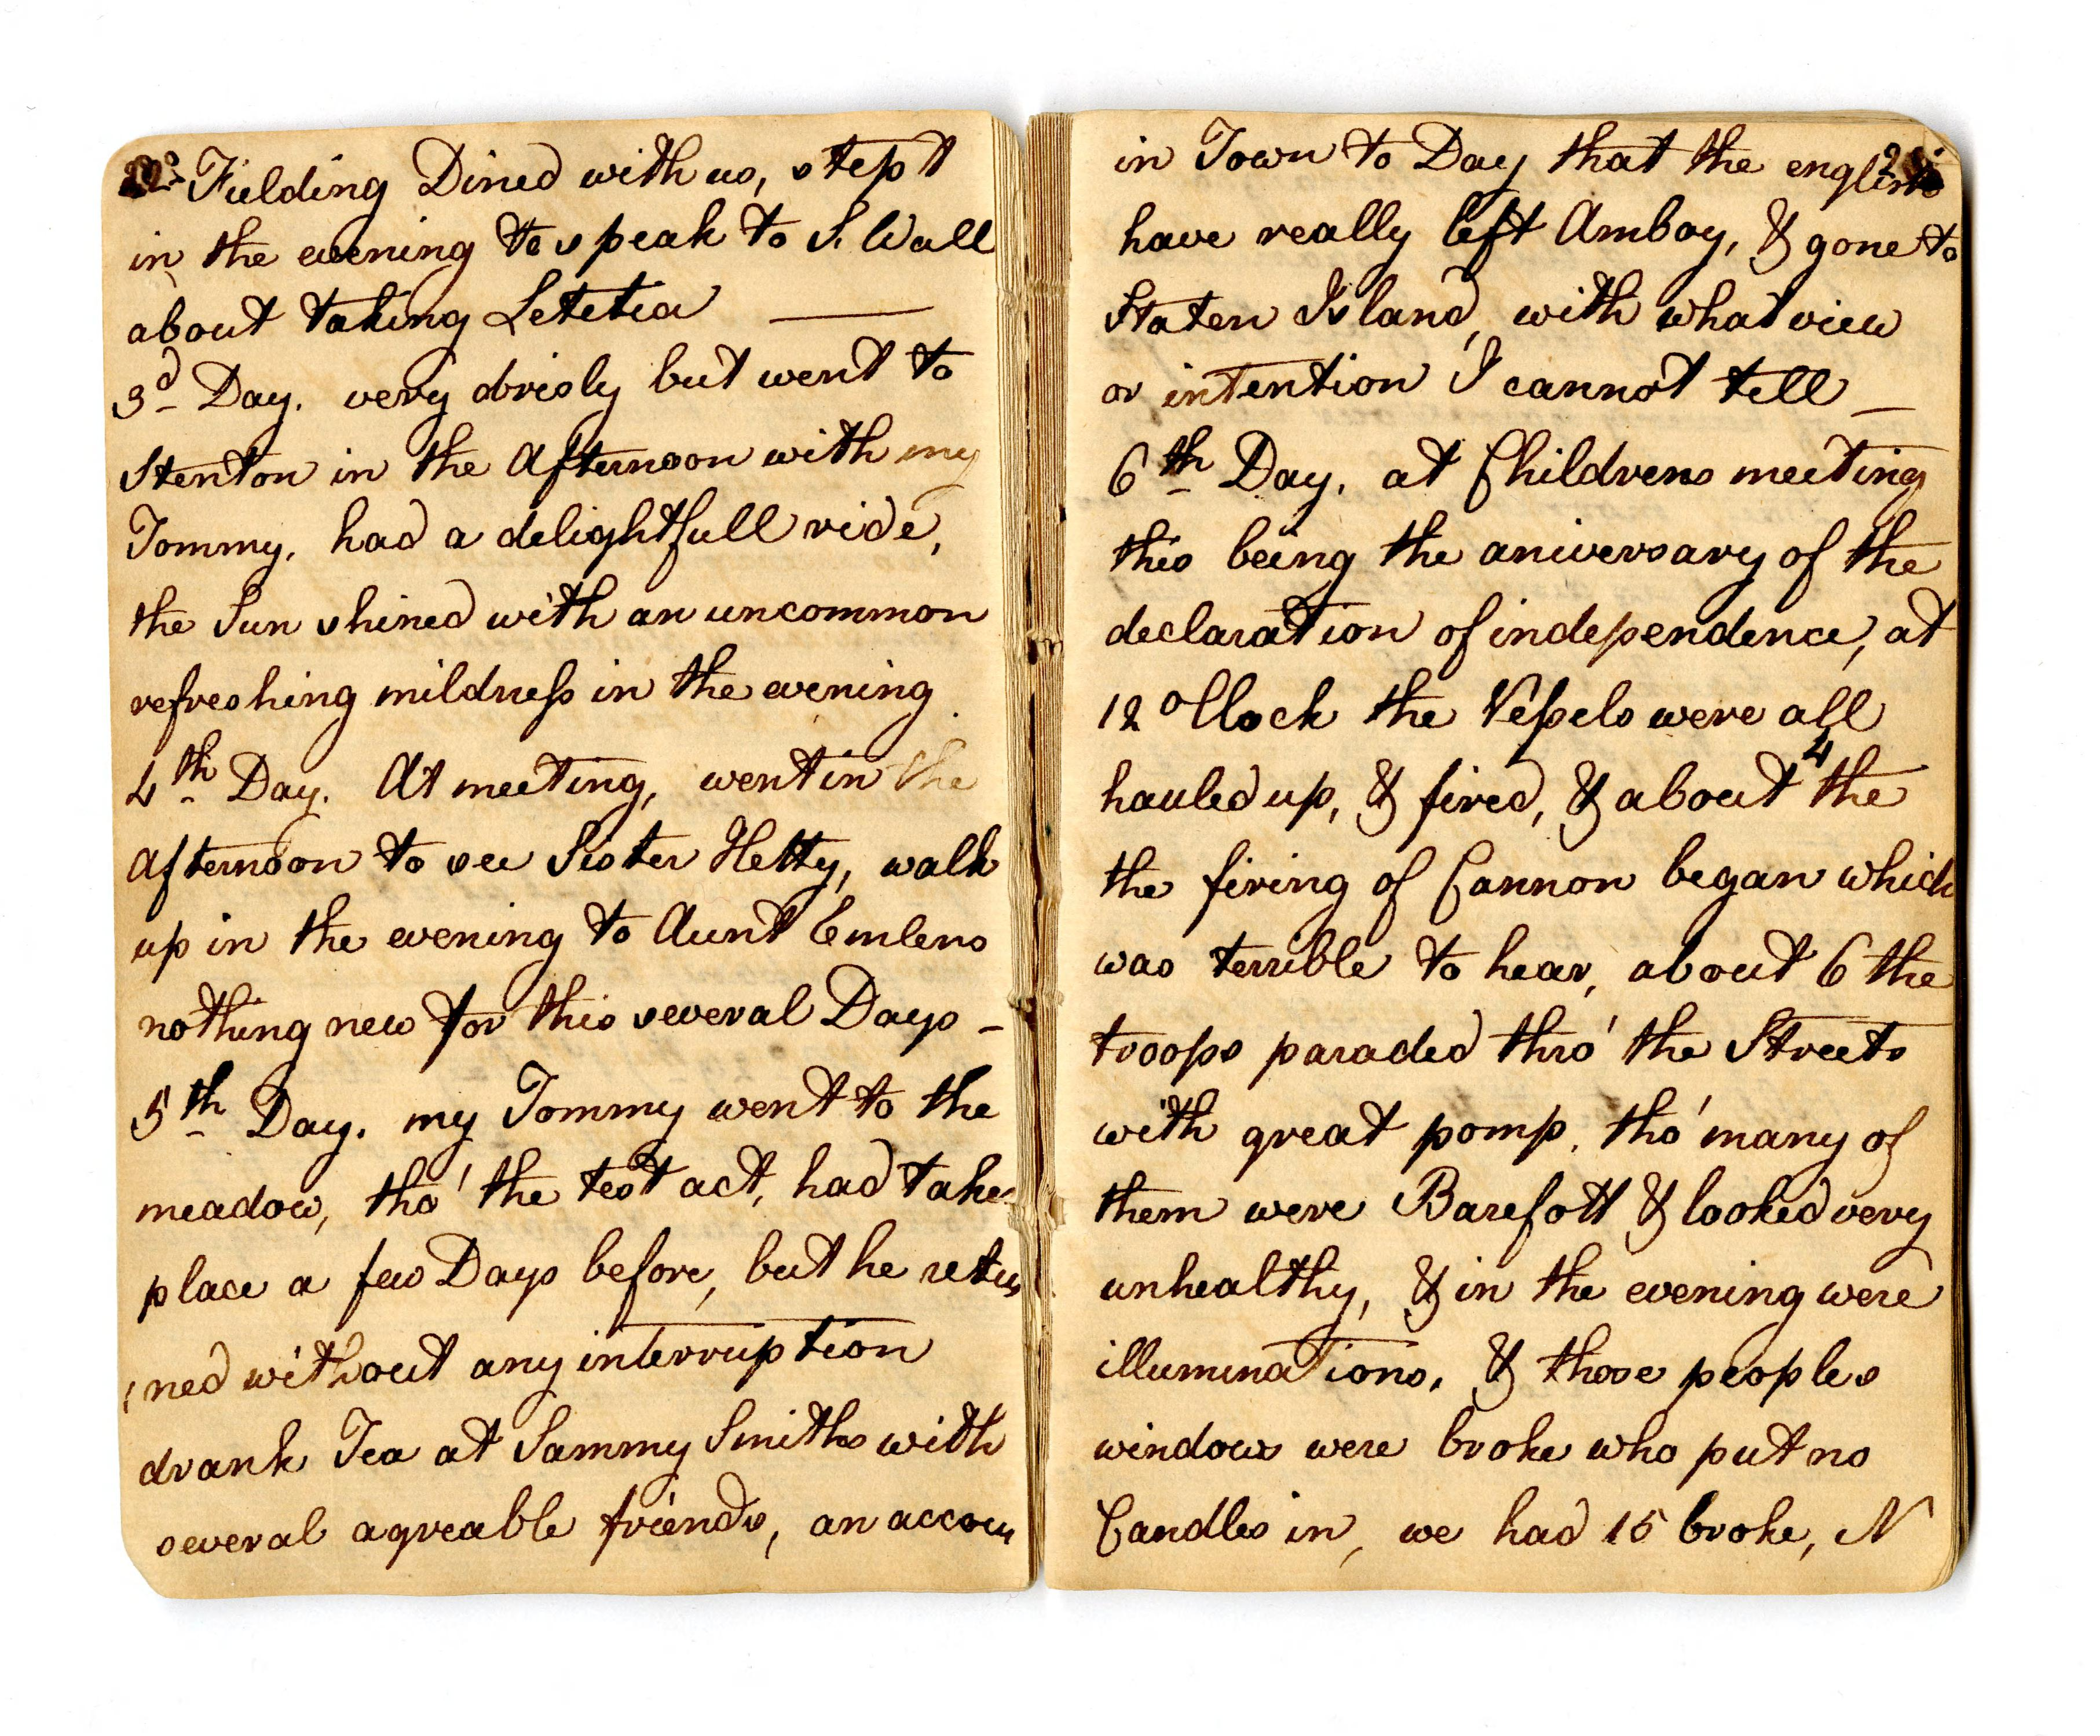Fielding Dined with us, stept
in the evening to speak to S. Wall
about taking Letitia-
3^d Day. very drisly but went to
Stenton in the Afternoon with my
Tommy, had a delightfull ride,
the Sun shined with an uncommon
refreshing mildness in the evening
4^th Day. At meeting, went in the
Afternoon to see Sister Hetty, walk
up in the evening to Aunt Emlens
nothing new for this several Days-
5^th Day, my Tommy went to the
meadow, tho' the test act, has taken
place a few Days before, but he retu
-ned without any interruption
drank tea at Sammy Smiths with
several agreable friends, an accoun
in Town to Day that the english
have really left Amboy, & gone to
Staten Island, with what view
or intention 'I cannot tell-
6^th Day. at Childrens meeting
this being the aniversary of the
declaration of independence, at
12 ^oClock the Vessels were all
hauled up, & fired, & about ^4 the
the firing of Cannon began which
was terrible to hear, about 6 the
troops paraded thro' the Streets
with great pomp, tho' many of
them were Barefott & looked very
unhealthy, & in the evening were
illuminations, & those peoples
windows were broke who put no
Candles in, we had 15 broke, N